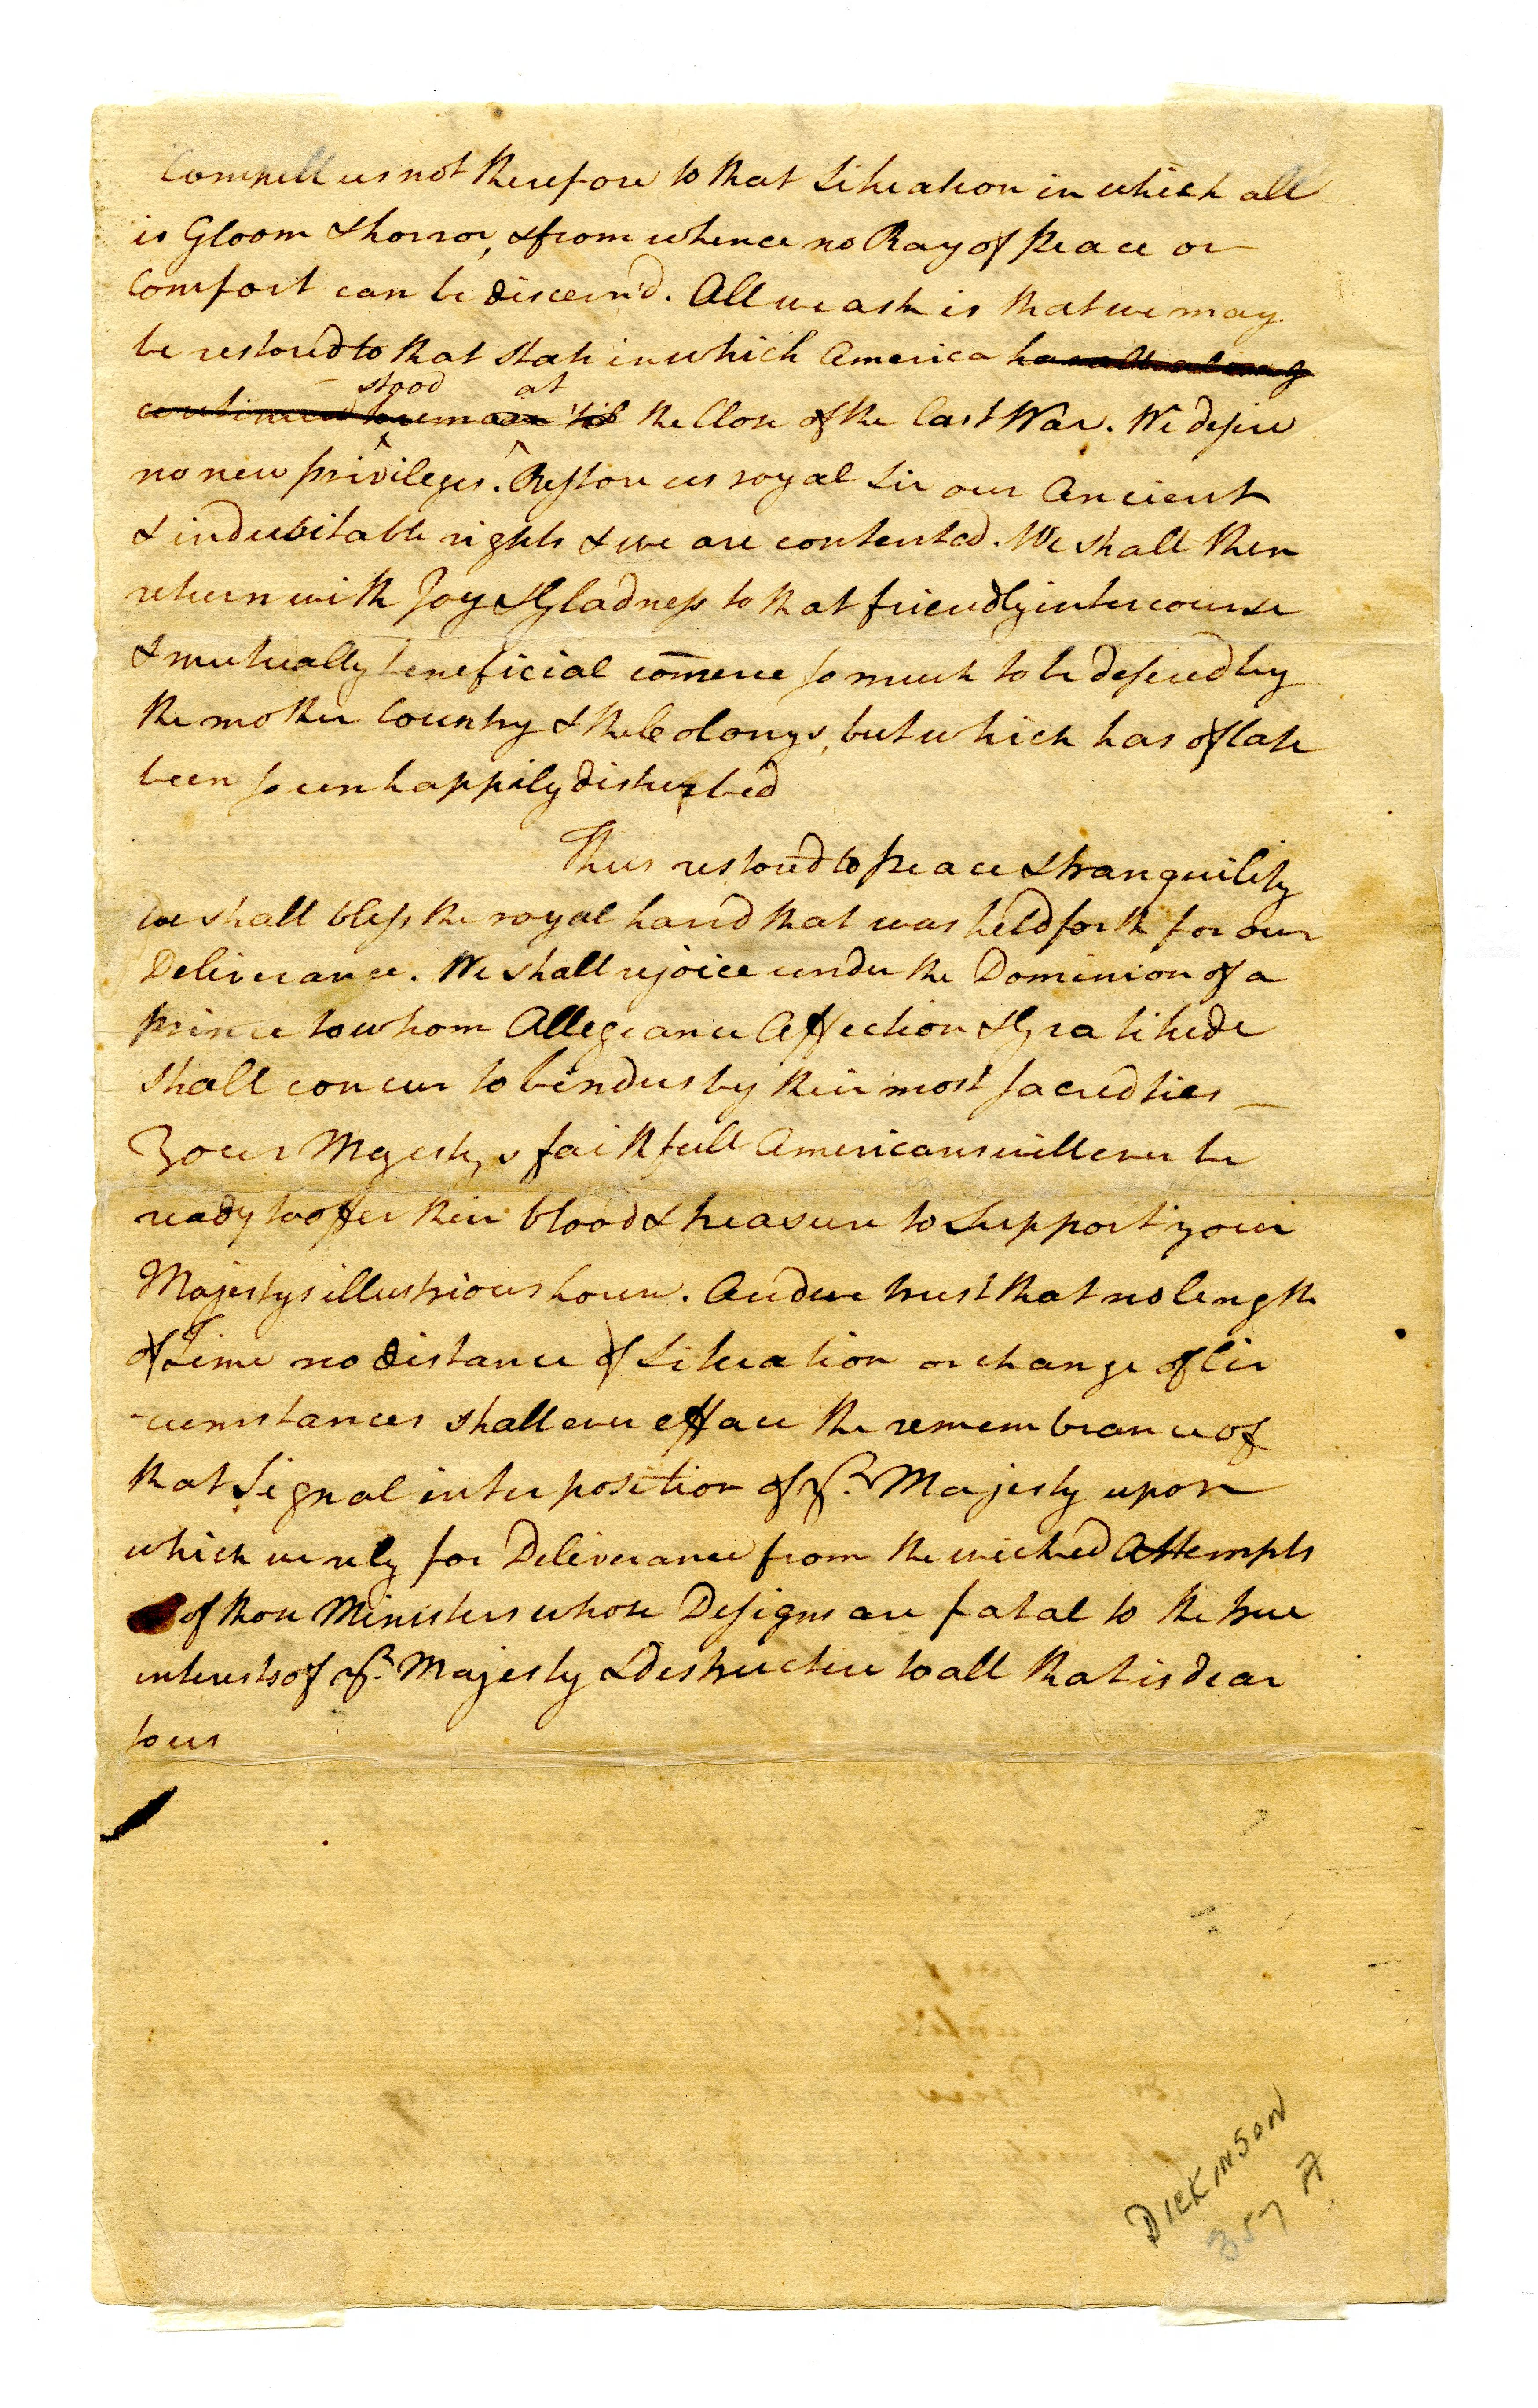Compell us not therefore to that situation in which all
is Gloom & horror, & from whence no Ray of Peace or
Comfort can be discern'd. All we ask is that we may
be restored to that state in which America [_____________]
stood
at
[_________________] the Close of the last War. We desire
no new privileges. Restore us royal Sir our Ancient
& indubitable rights & we are contented. We shall then
return with Joy & Gladness to that friendly intercourse
& mutually beneficial comerce so much to be defered by
the mother Country & these Colonys, but which has of late
been so unnhappily disturbed
This restored to peace & tranquility
we shall bless the royal hand that was held forth for our
Deliverance. We shall rejoice under the Dominion of a
prince to whom Allegiance Affection & gratitude
shall concur to bind us by their most sacred lies
Your Majestys faithful Americans will ever be
ready to offer their blood & treasure to support your
Majesty's illustrious house. And we trust that no length
of time no distance of Situation or change of Cir
-cumstances shall ever efface the remembrance of
that signal interposition of y^r. Majesty upon
which we rely for Deliverance from the wicked Attempts
of those Ministers whose Designs are fatal to the pure
intentions of y^r. Majesty Destructive to all that is dear
to us